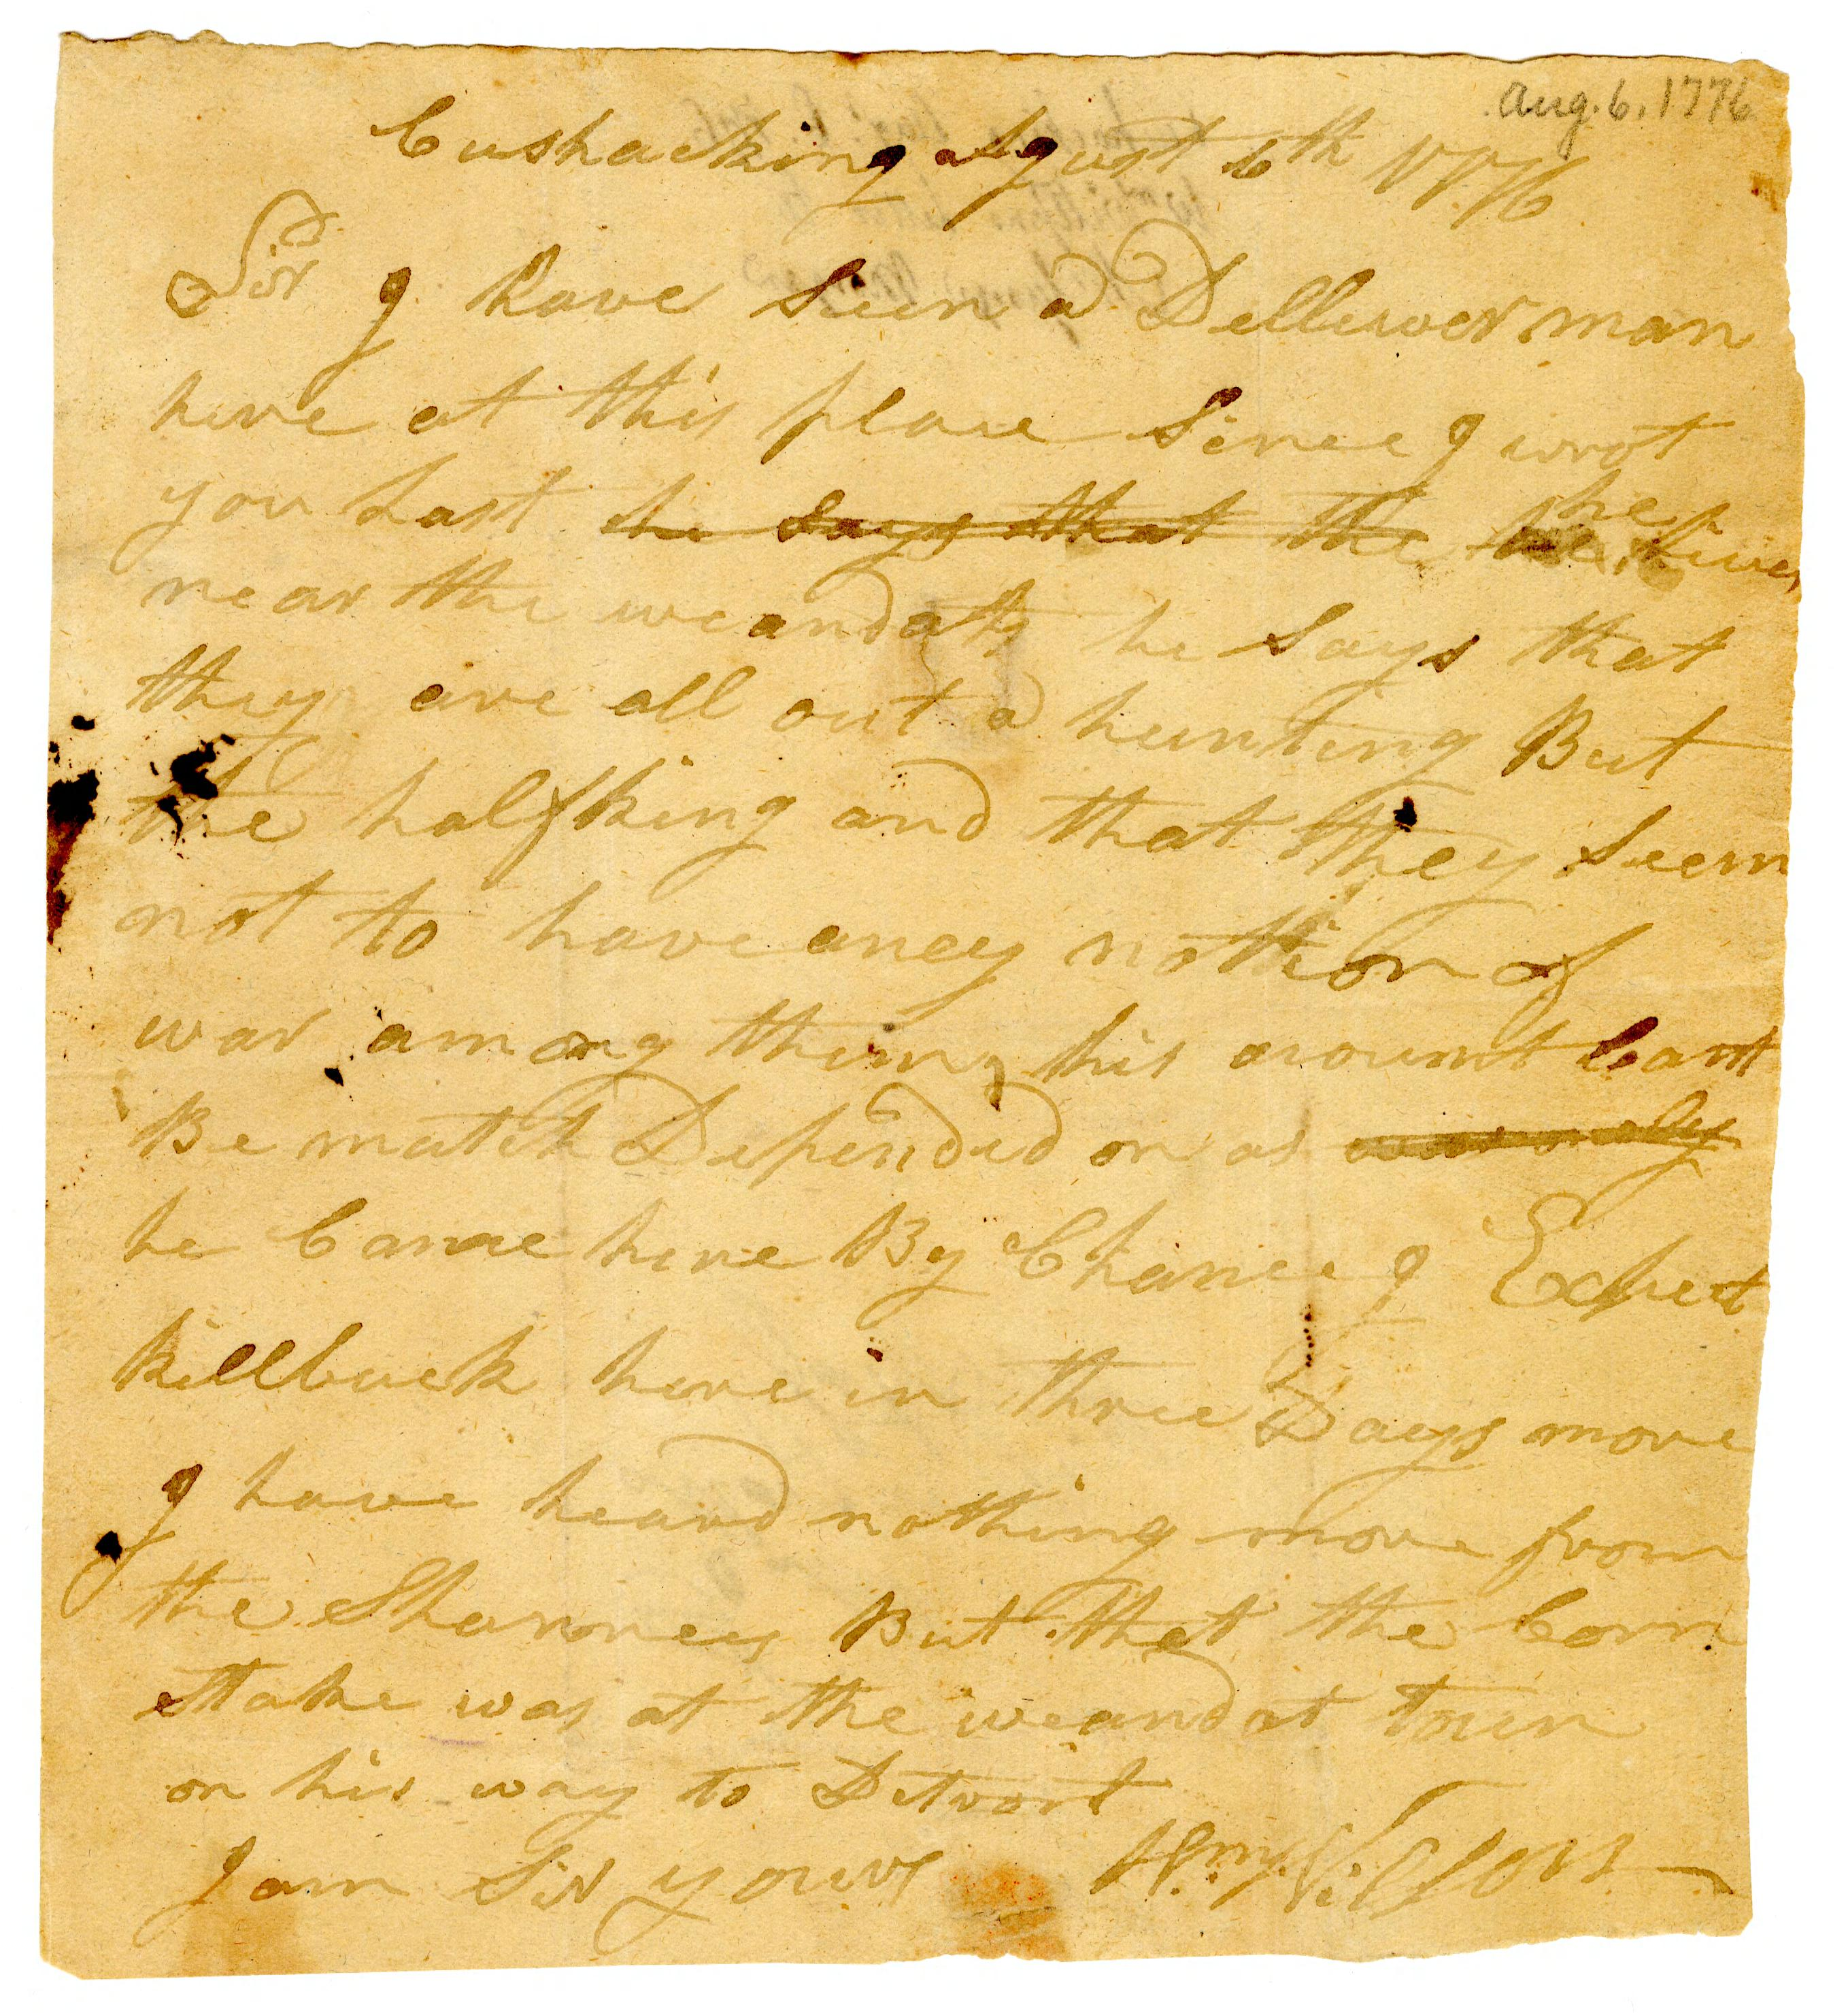Cushacking Agust 6th 1776
Sir I have Seen a Delliwer man
here at this place since I wrot
he
you Last. [he says that the] [he] Lives
near the weandatts he says that
they are all out a hunting But
the halfking and that they Seem
not to have aney notion of
war among them, this acount cant
Be match Depended on as [customaraly]
he came here By Chance & Expect
killbuck have in three Days move
I have heard nothing more from
the shannees But that the Corn
Stake was at the weandat town
on his way to Detroit
I am Sir your
Wm Wilson